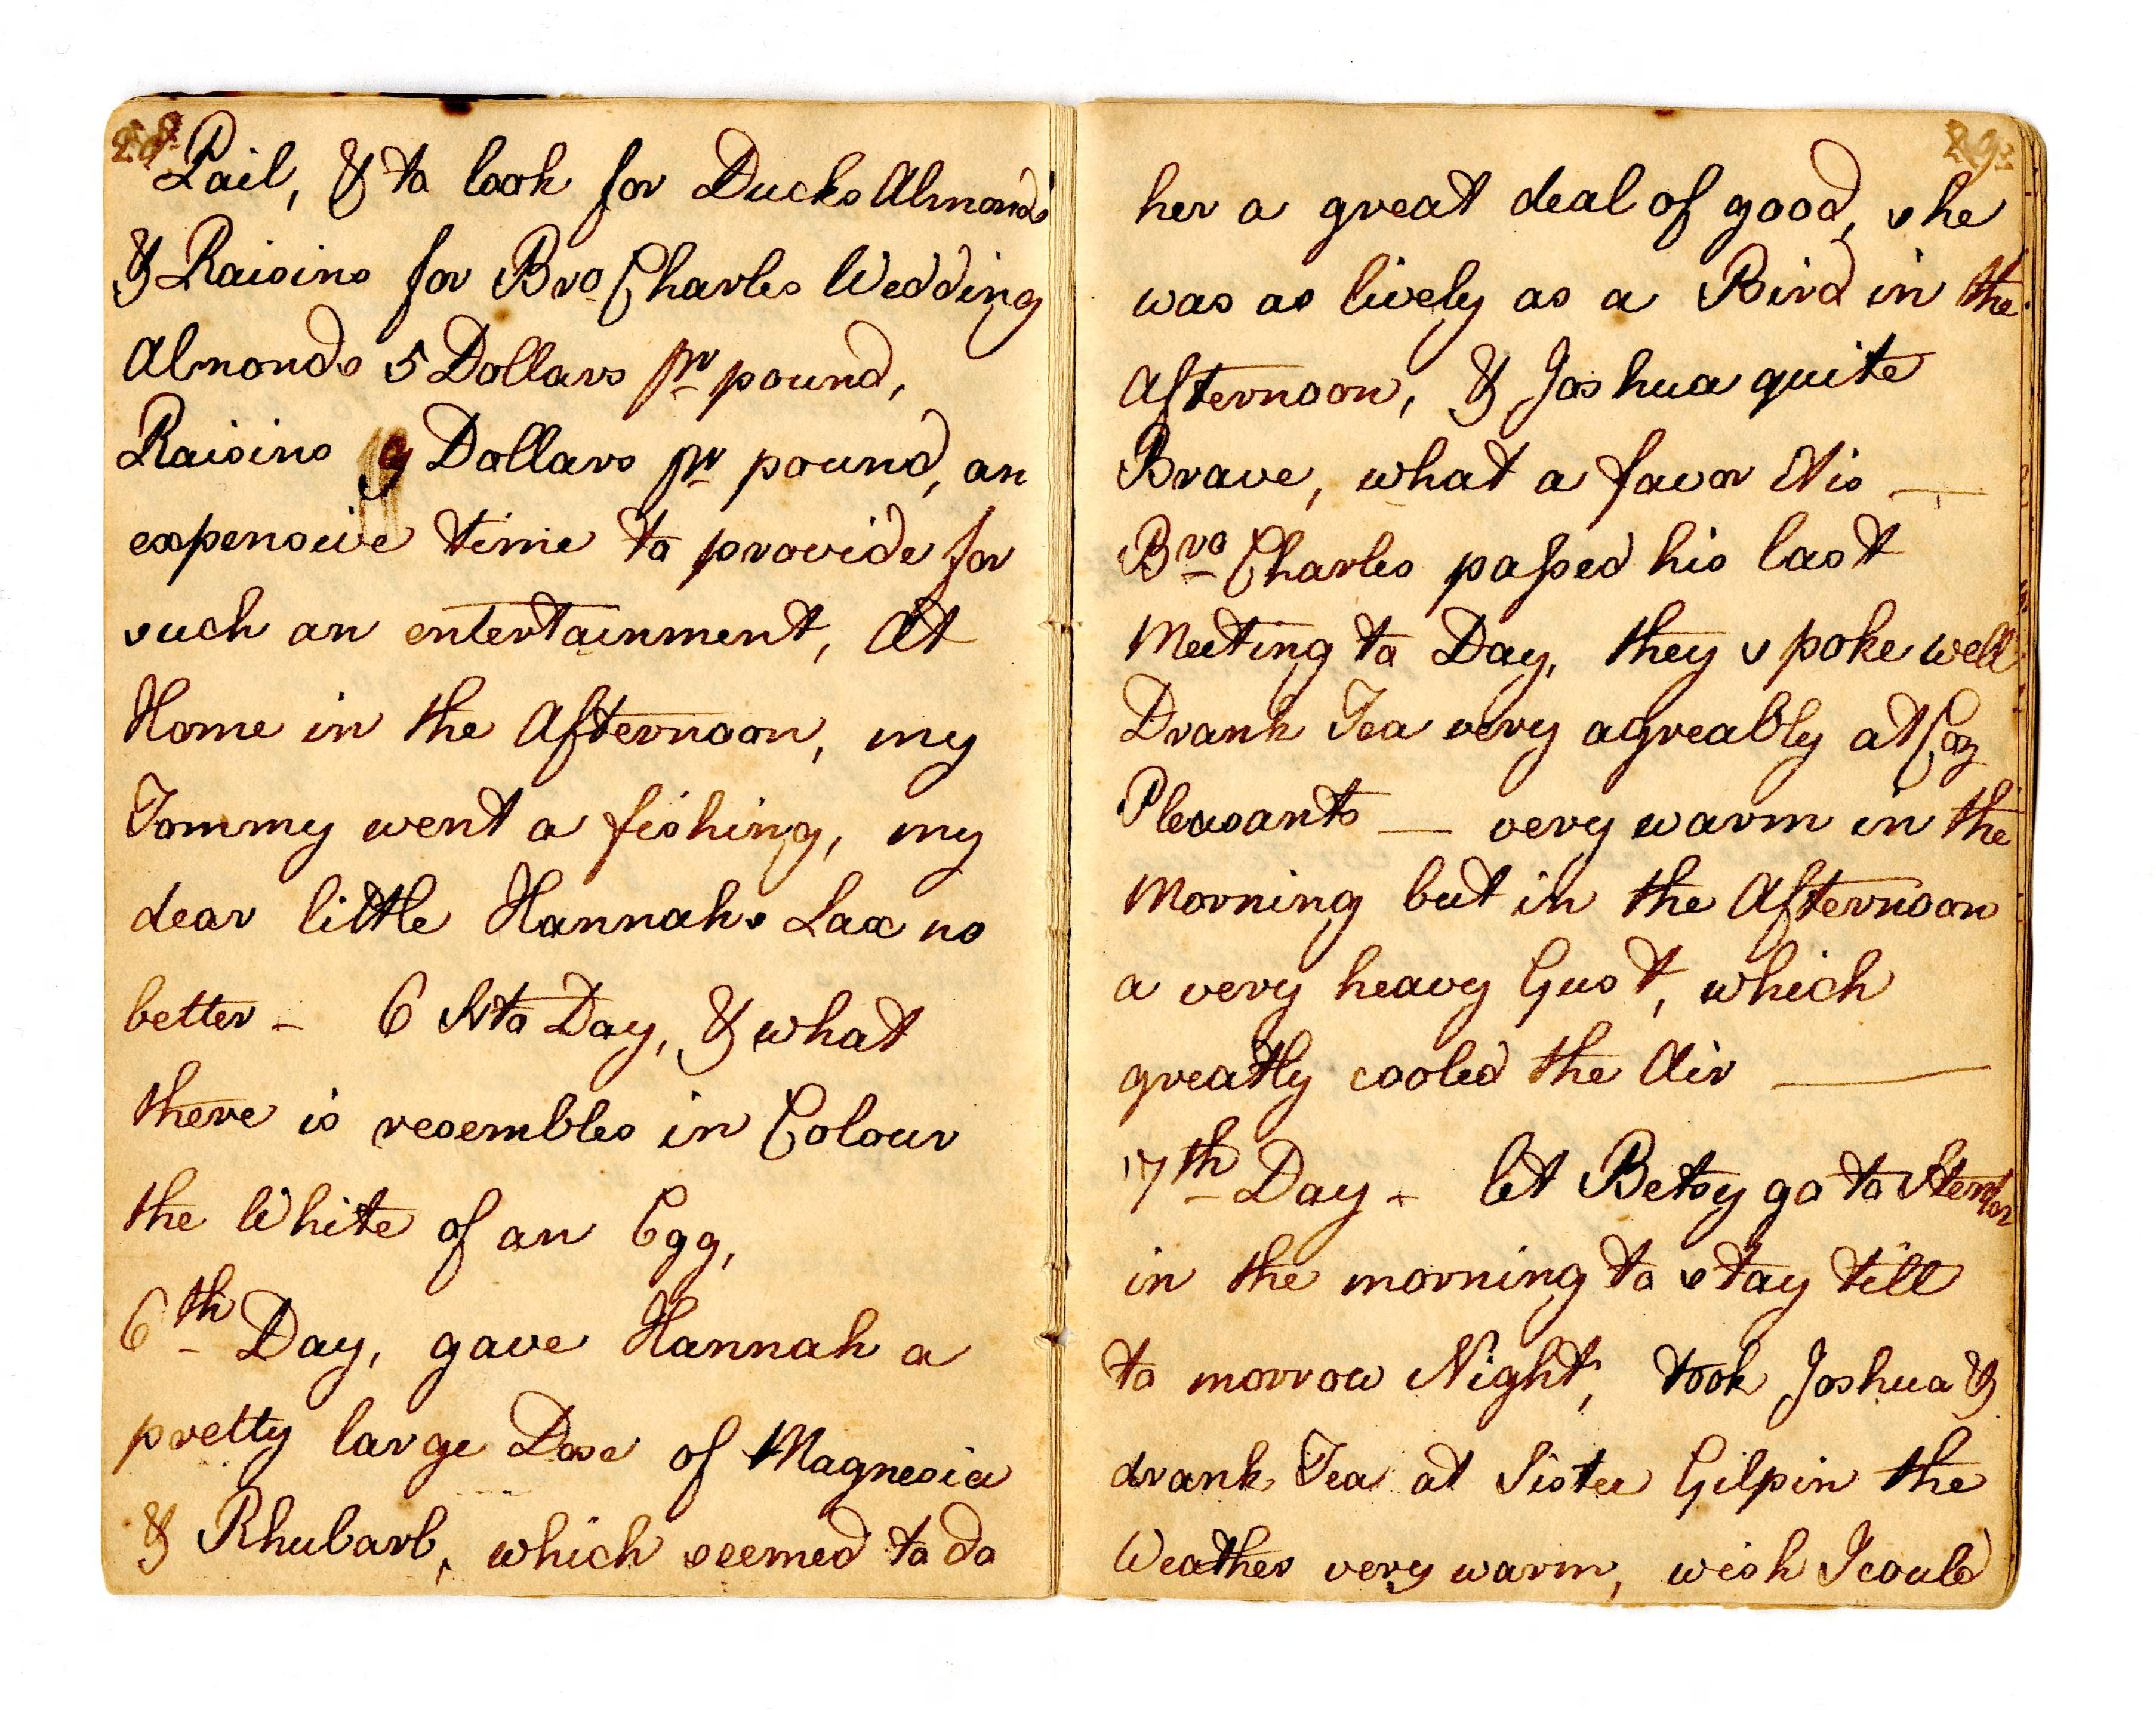28
Pail, & to look for Ducks Almonds
& Raisins for Bro Charles Wedding
Almonds 5 Dollars p^r pound,
Raisins 9 Dollars p^r pound, an
expensive time to provide for
such an entertainment, At
Home in the Afternoon, my
Tommy went a fishing, my
dear little Hannahs Lax no
better- 6 St to Day, & what
there is resembles in Colour
the White of an Egg,
6^th Day, gave Hannah a
pretty large Dose of Magnesia
& Rhubarb, which seemed to do
29
her a great deal of good, she
was a lively as a Bird in the
Afternoon, & Joshua quite
Brave, what a favor it is
Bro Charles passed his last
Meeting to Day, they spoke well
Drank Tea very agreably at Coz
Pleasants- very warm in the
Morning but in the Afternoon
a very heavy Gust, which
greatly cooled the Air
7^th Day- let Betsy go to Stenton
in the morning to stay till
to morrow Night, took Joshua &
drank Tea at Sister Gilpin the
Weather very warm, wish I could